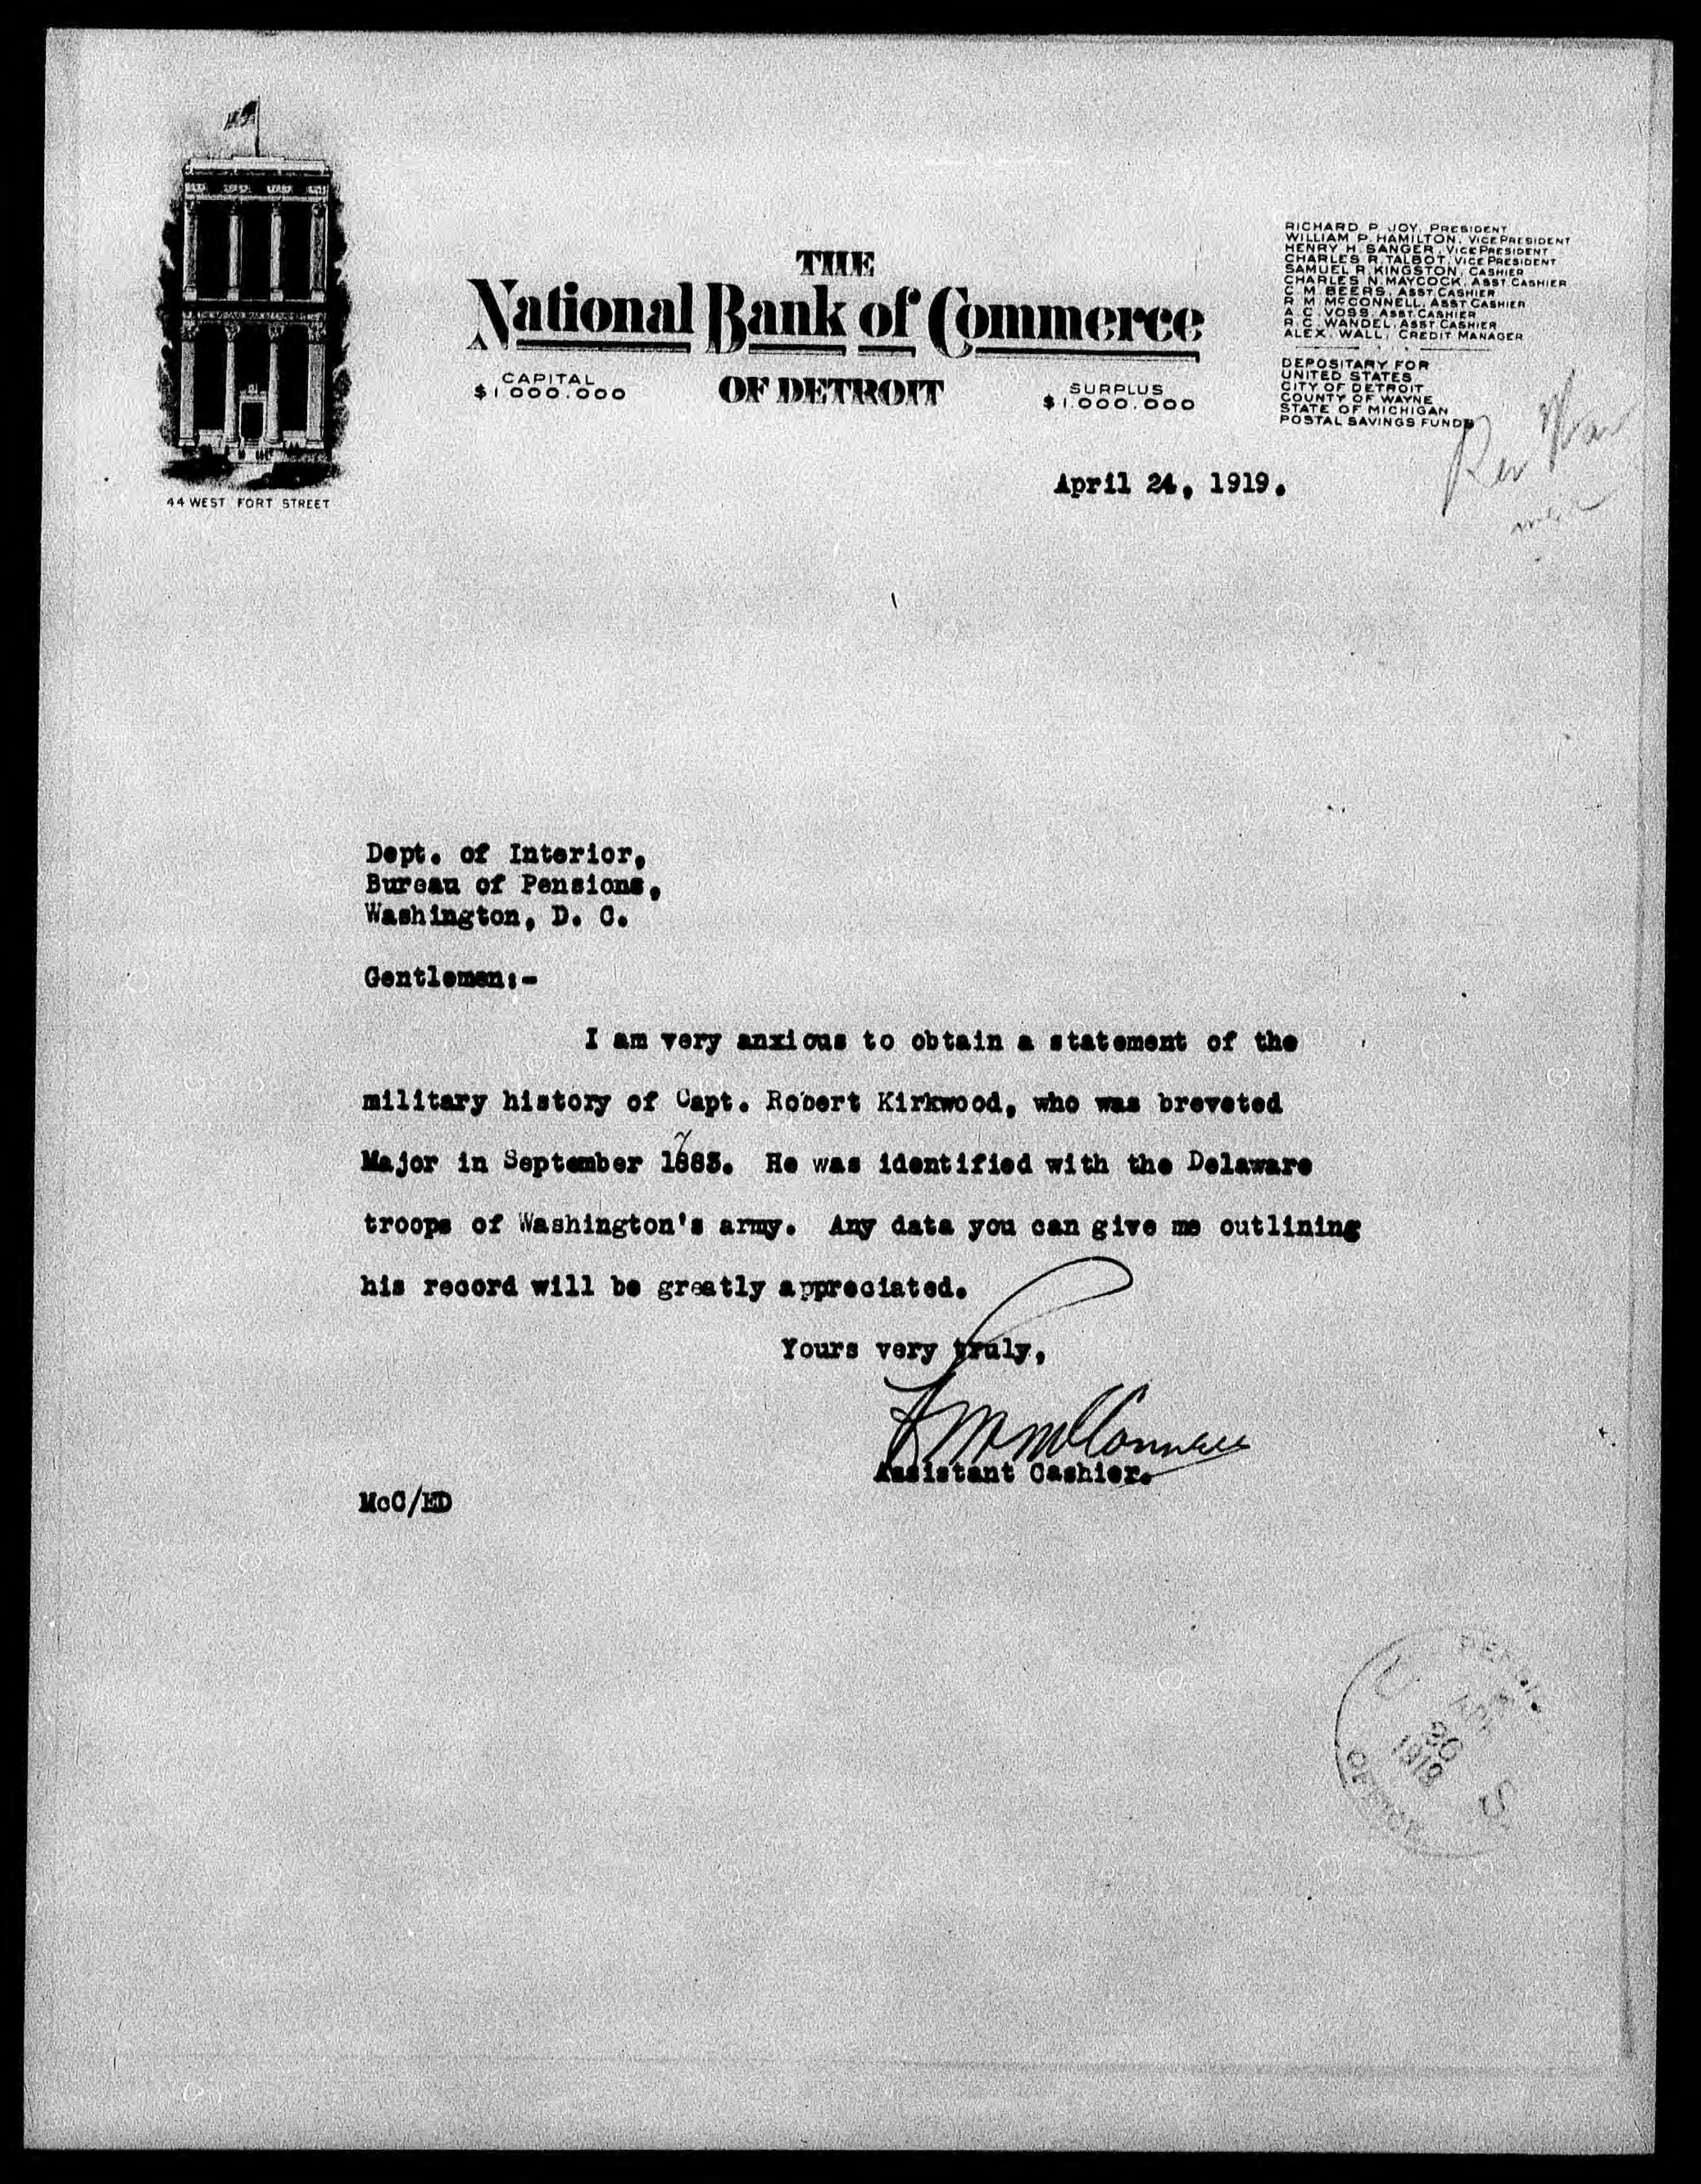Letterhead includes a graphic of the bank with address: 44 West Fort Street
The National Bank of Commerce of Detroit\Capital $1,000,000
Surplus $1,000,000
Richard P. Joy, President
William P. Hamilton, Vice President
Henry H. Sanger, Vice President
Samuel R. Kingston, Cashier
Charles N. Maycock, Asst. Cashier
C. M. Beers, Asst. Cashier
R. M. McConnell, Asst. Cashier
A. C. Voss, Asst. Cashier
R. C. Wandel, Asst. Cashier
Alex Wall, Credit Manager
Depositary for
United States
City of Detroit
County of Wayne
State of Michigan
Postal Savings Funds
[handwritten Rev War]
April 24, 1919,
Dept. of Interior,
Bureau of Pensions,
Washington, D. C.
Gentlemen: -
I am very anxious to obtain a statement of the
military history of Capt. Robert Kirkwood, who was breveted
Major in September 1783. He was identified with the Delaware
troops of Washington's army. Any data you can give me outlining
his record will be greatly appreciated.
Yours very truly,
R. M. McConnell [signature]
Asst. Cashier
McC/ED
[stamped in lower right] US Pension Office APR 26, 1919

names: R C Wandel; Robert Kirkwood; A C Voss; William P Hamilton; Samuel R Kingston; Henry H Sanger; Richard P Joy; Charles N Maycock; Alex Wall; R M Mc Connell; C M Beers; Charles R Talbot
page: 17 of 20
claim: bounty land warrant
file: B. L. Wt. 1102-300, for Robert Kirkwood, Delaware